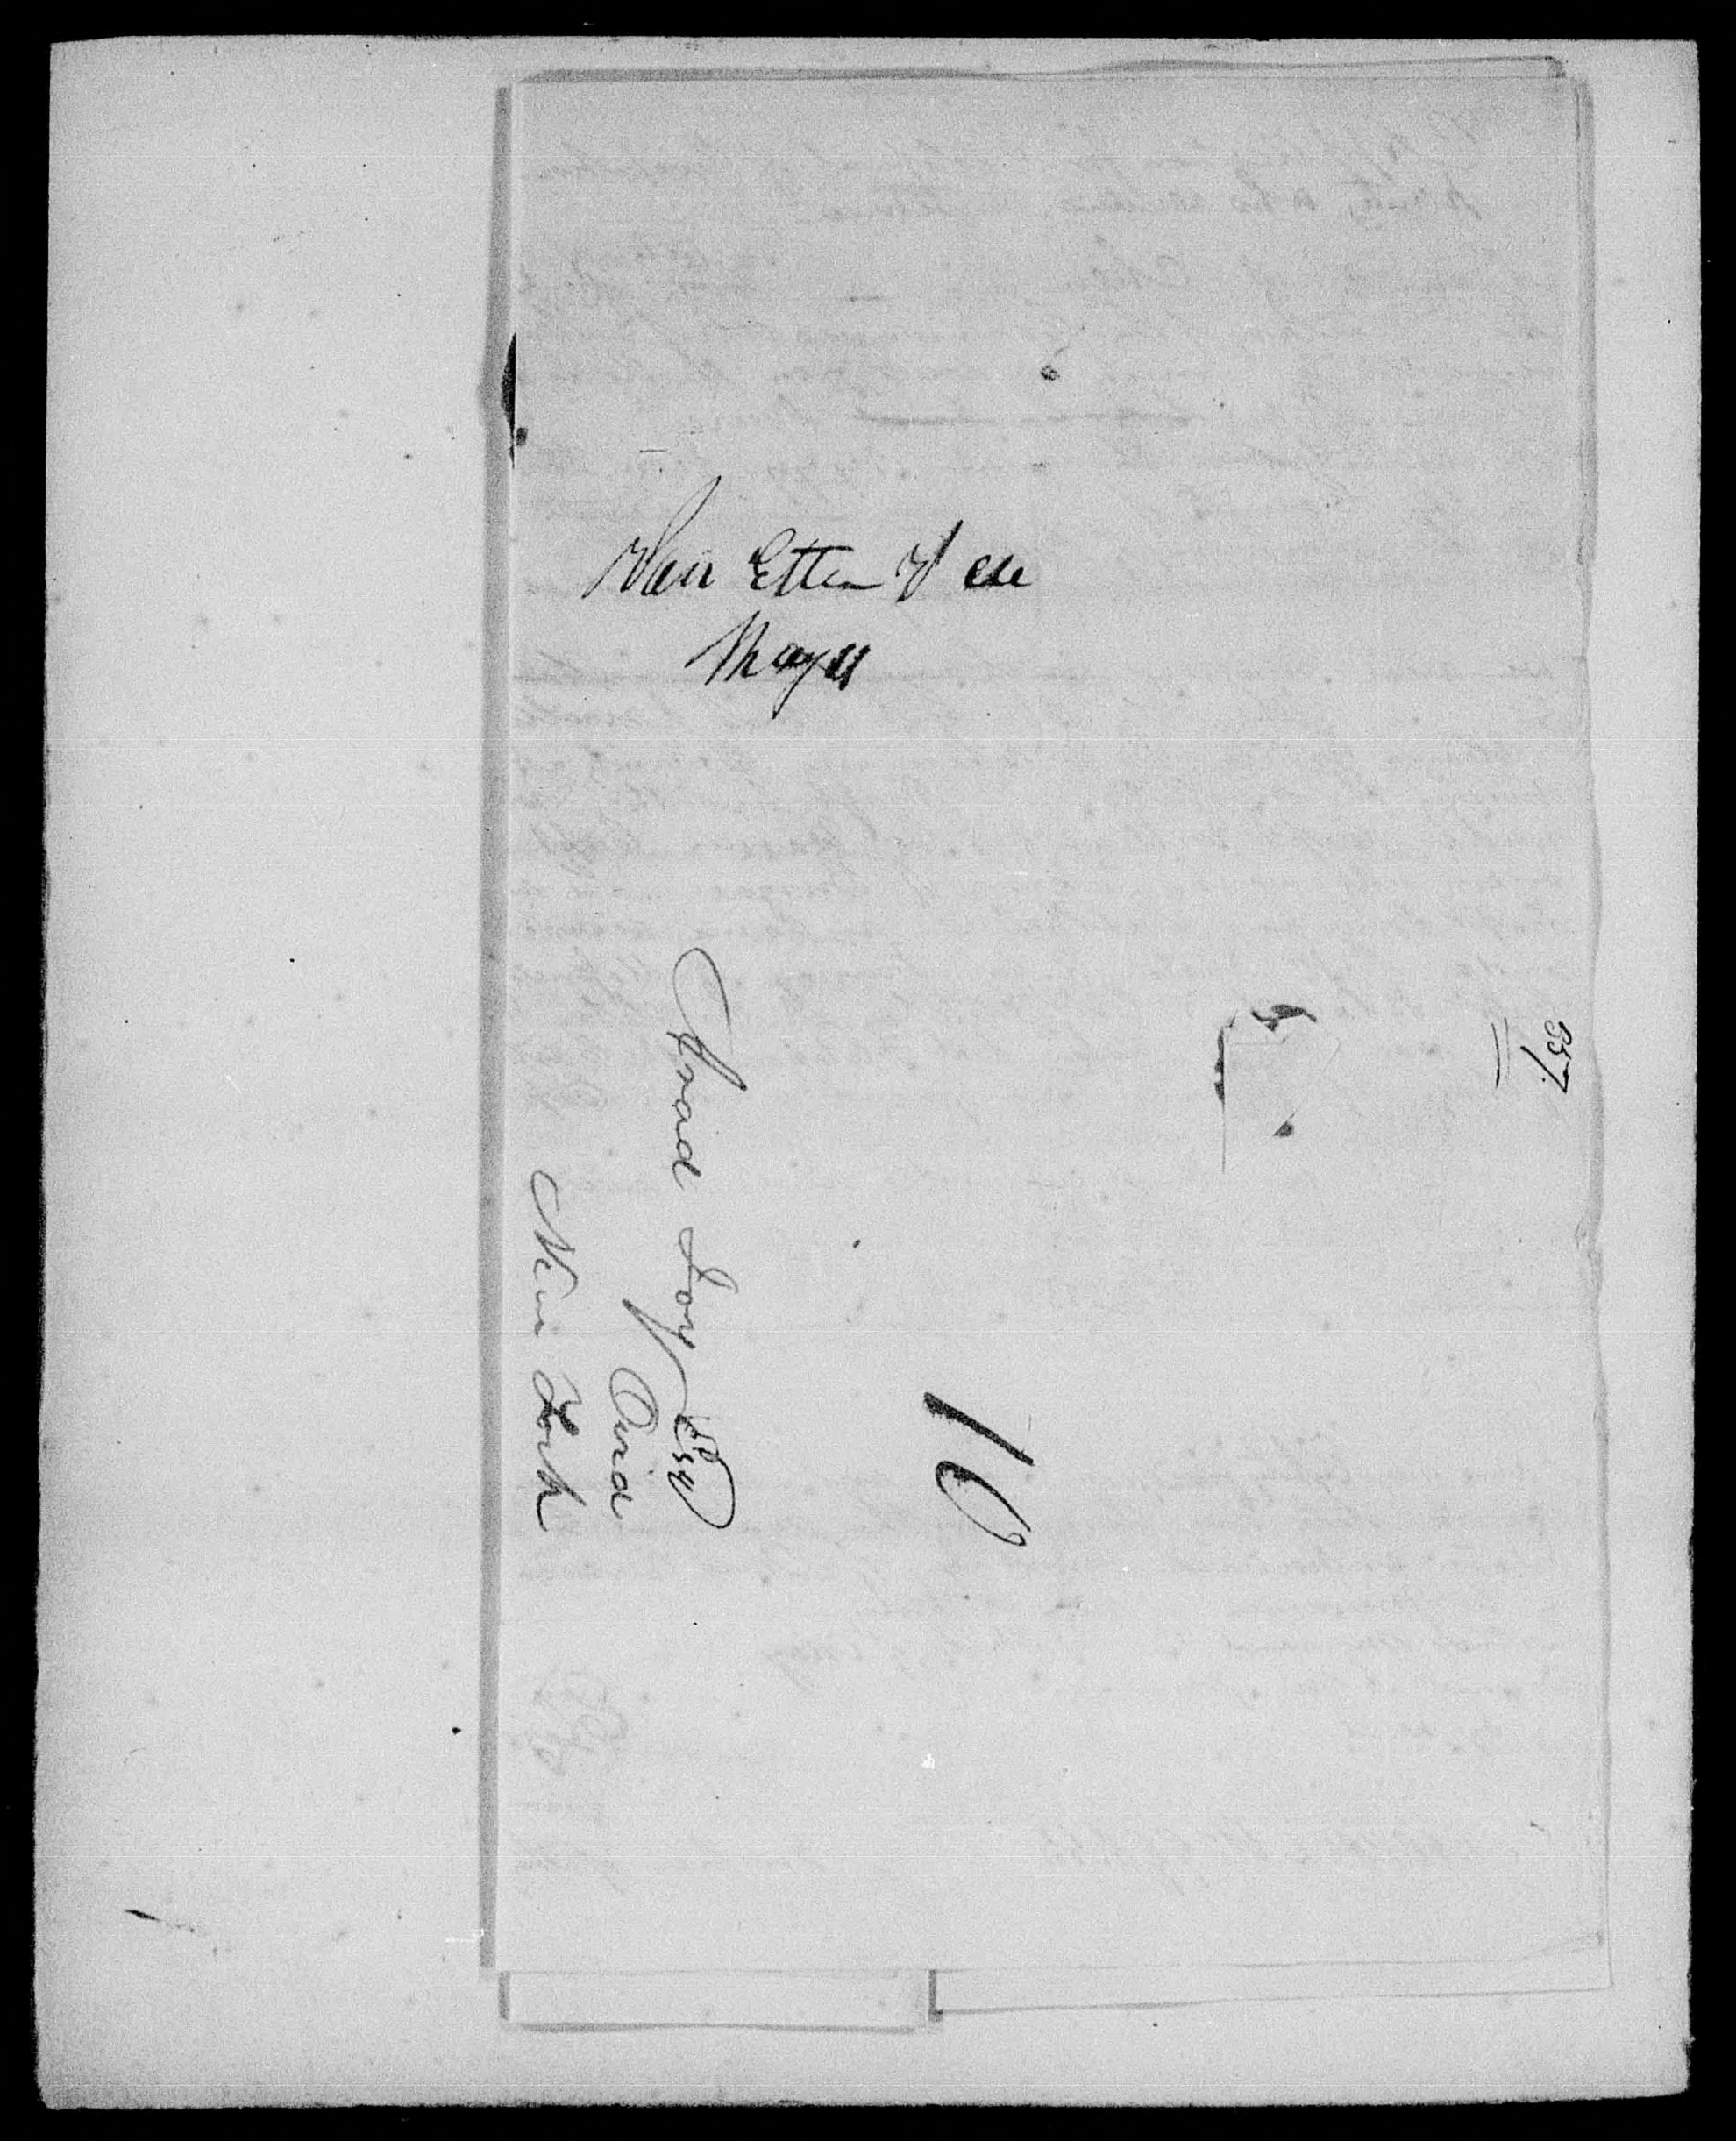[illegible] May 11
557. 10
Arad Joy Esq
Ovid New York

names: Arad Joy, Van Etten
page: 22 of 43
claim: survivor's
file: S. 28748, Eleazer Grover, Continental Mass. Vt.